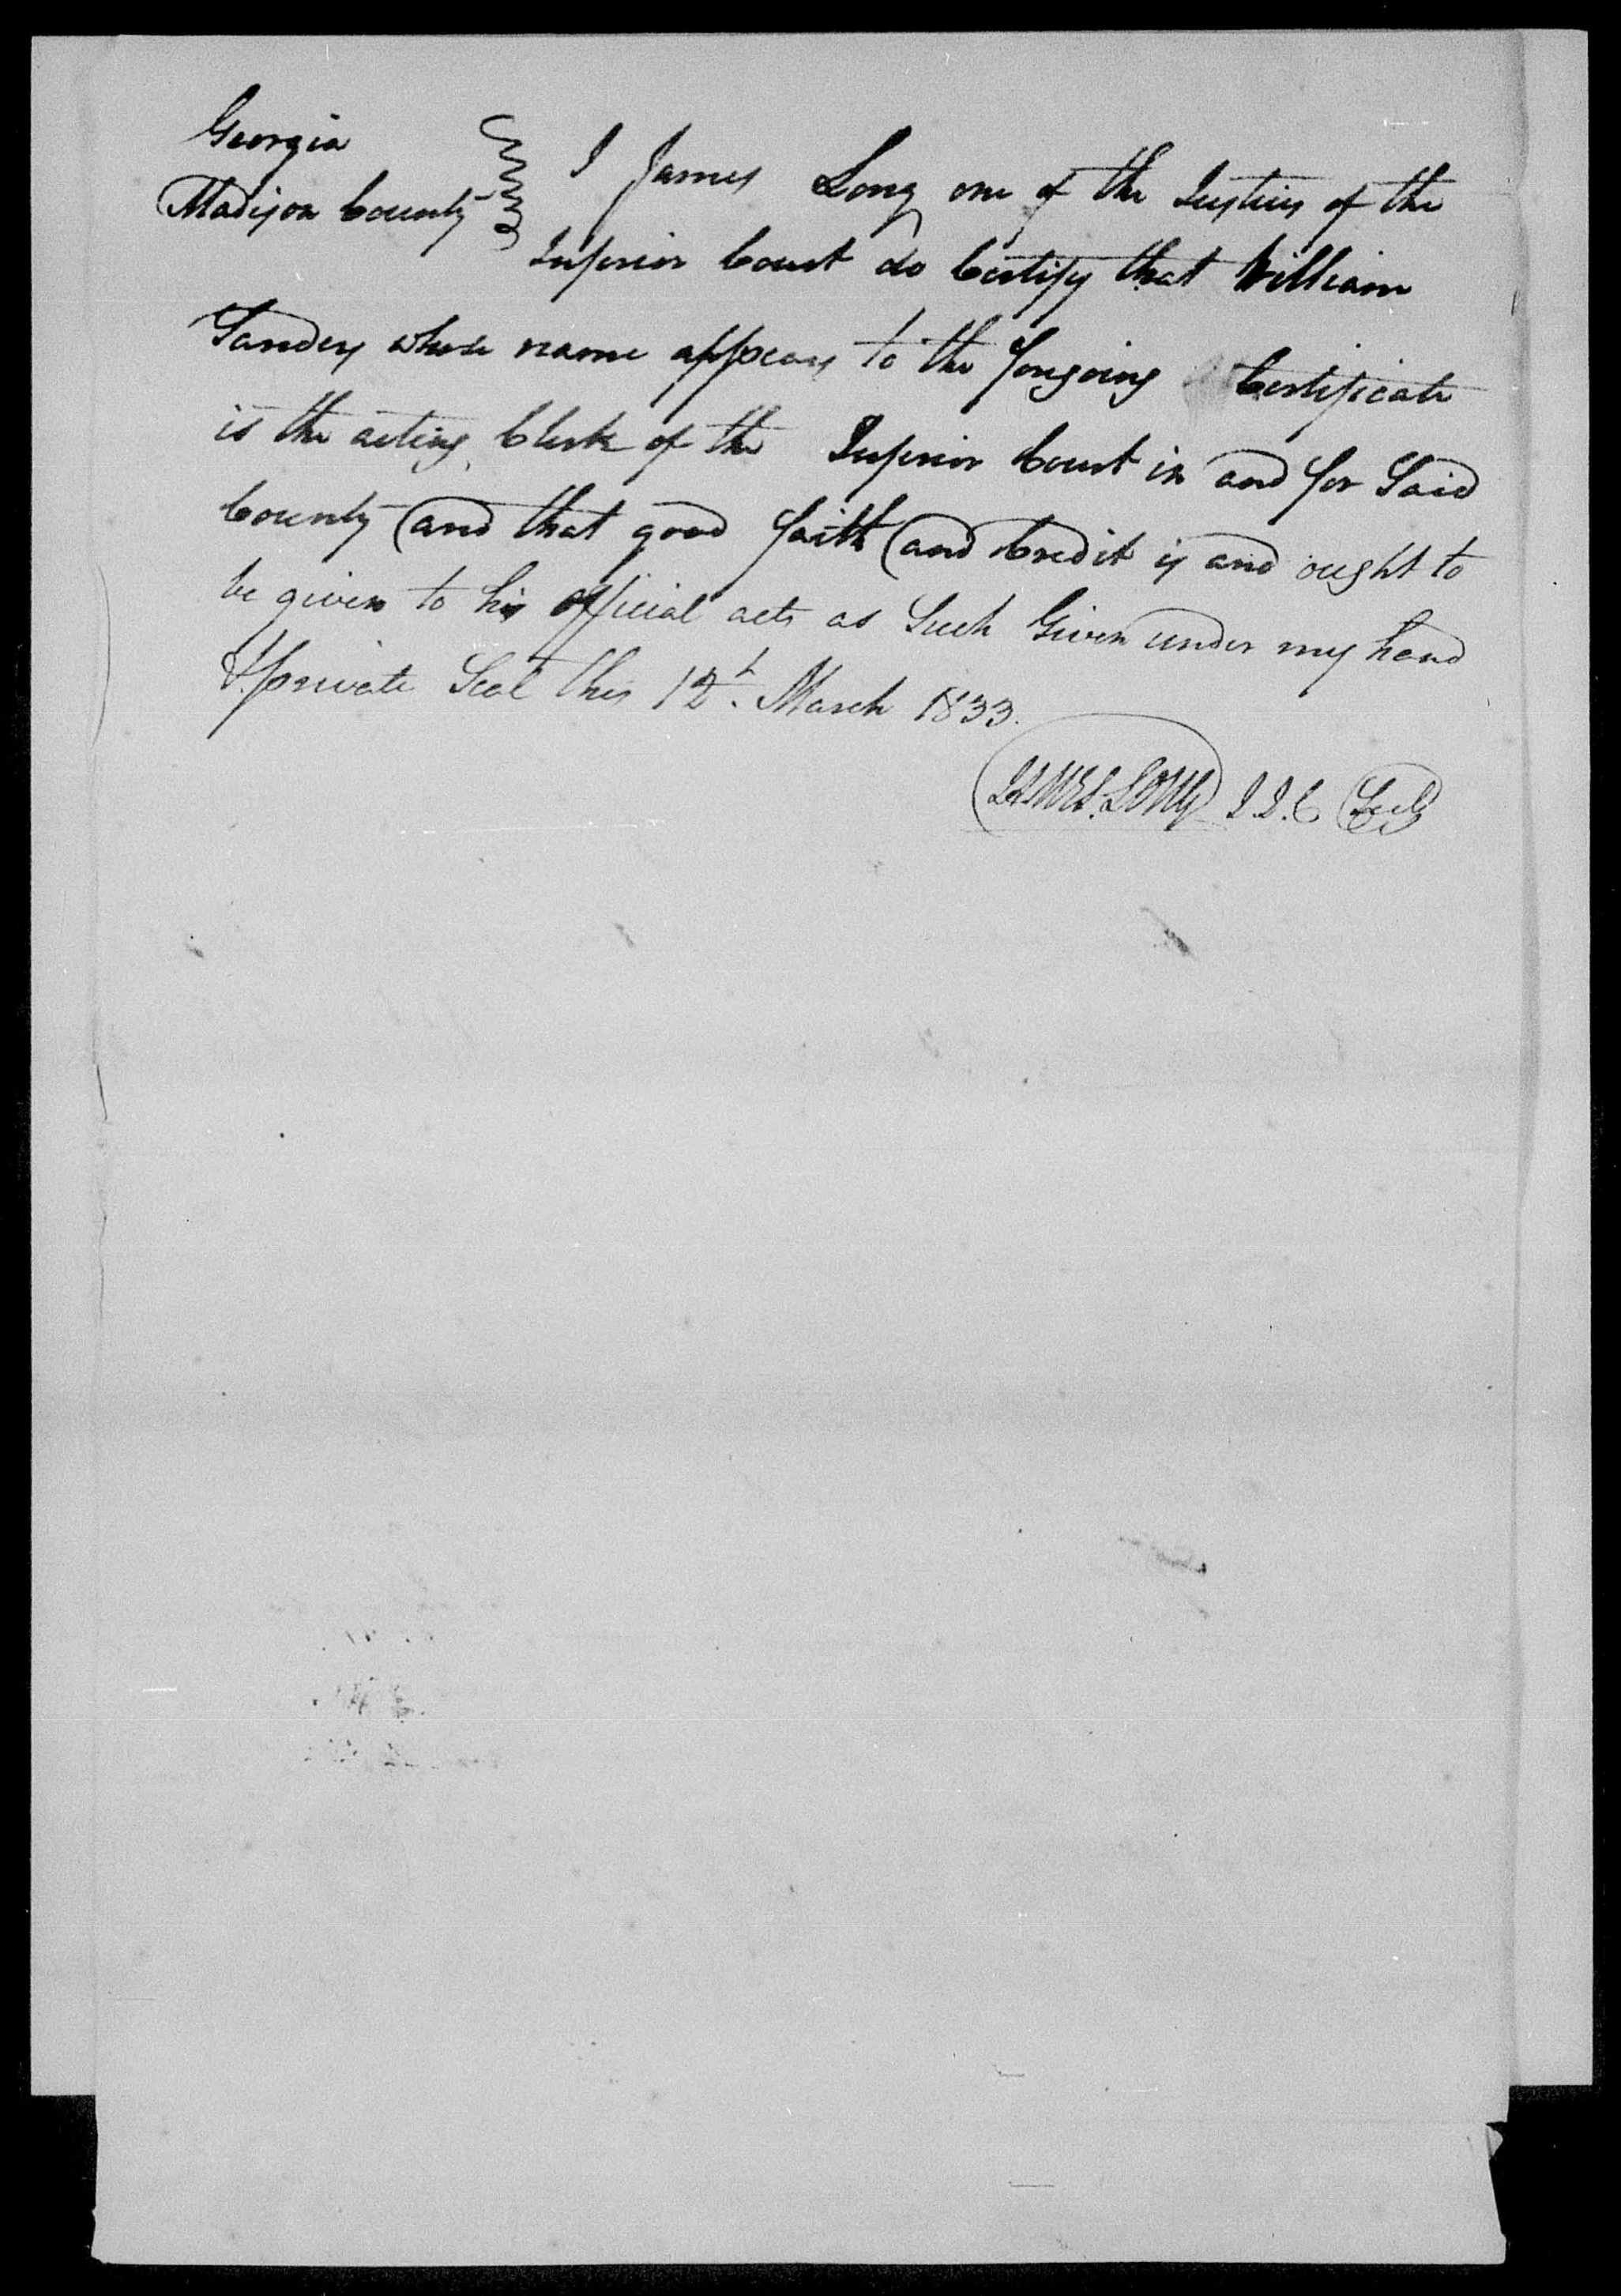Georgia
Madison County ⎬

I James Long one of the Justices of the
Inferior Court do certify that William
Sanders whose name appears to the foregoing authentification is the acting Clerk of the Inferior Court in and for said County and that good faith and credit is and ought to be given to his official acts as such Given under my hand & private Seal this 12th March 1833

James Long J.J.C.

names: James Long; William Sanders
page: 19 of 19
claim: survivor's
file: S. 31,855, for John Mc Curdy, Pennsylvania